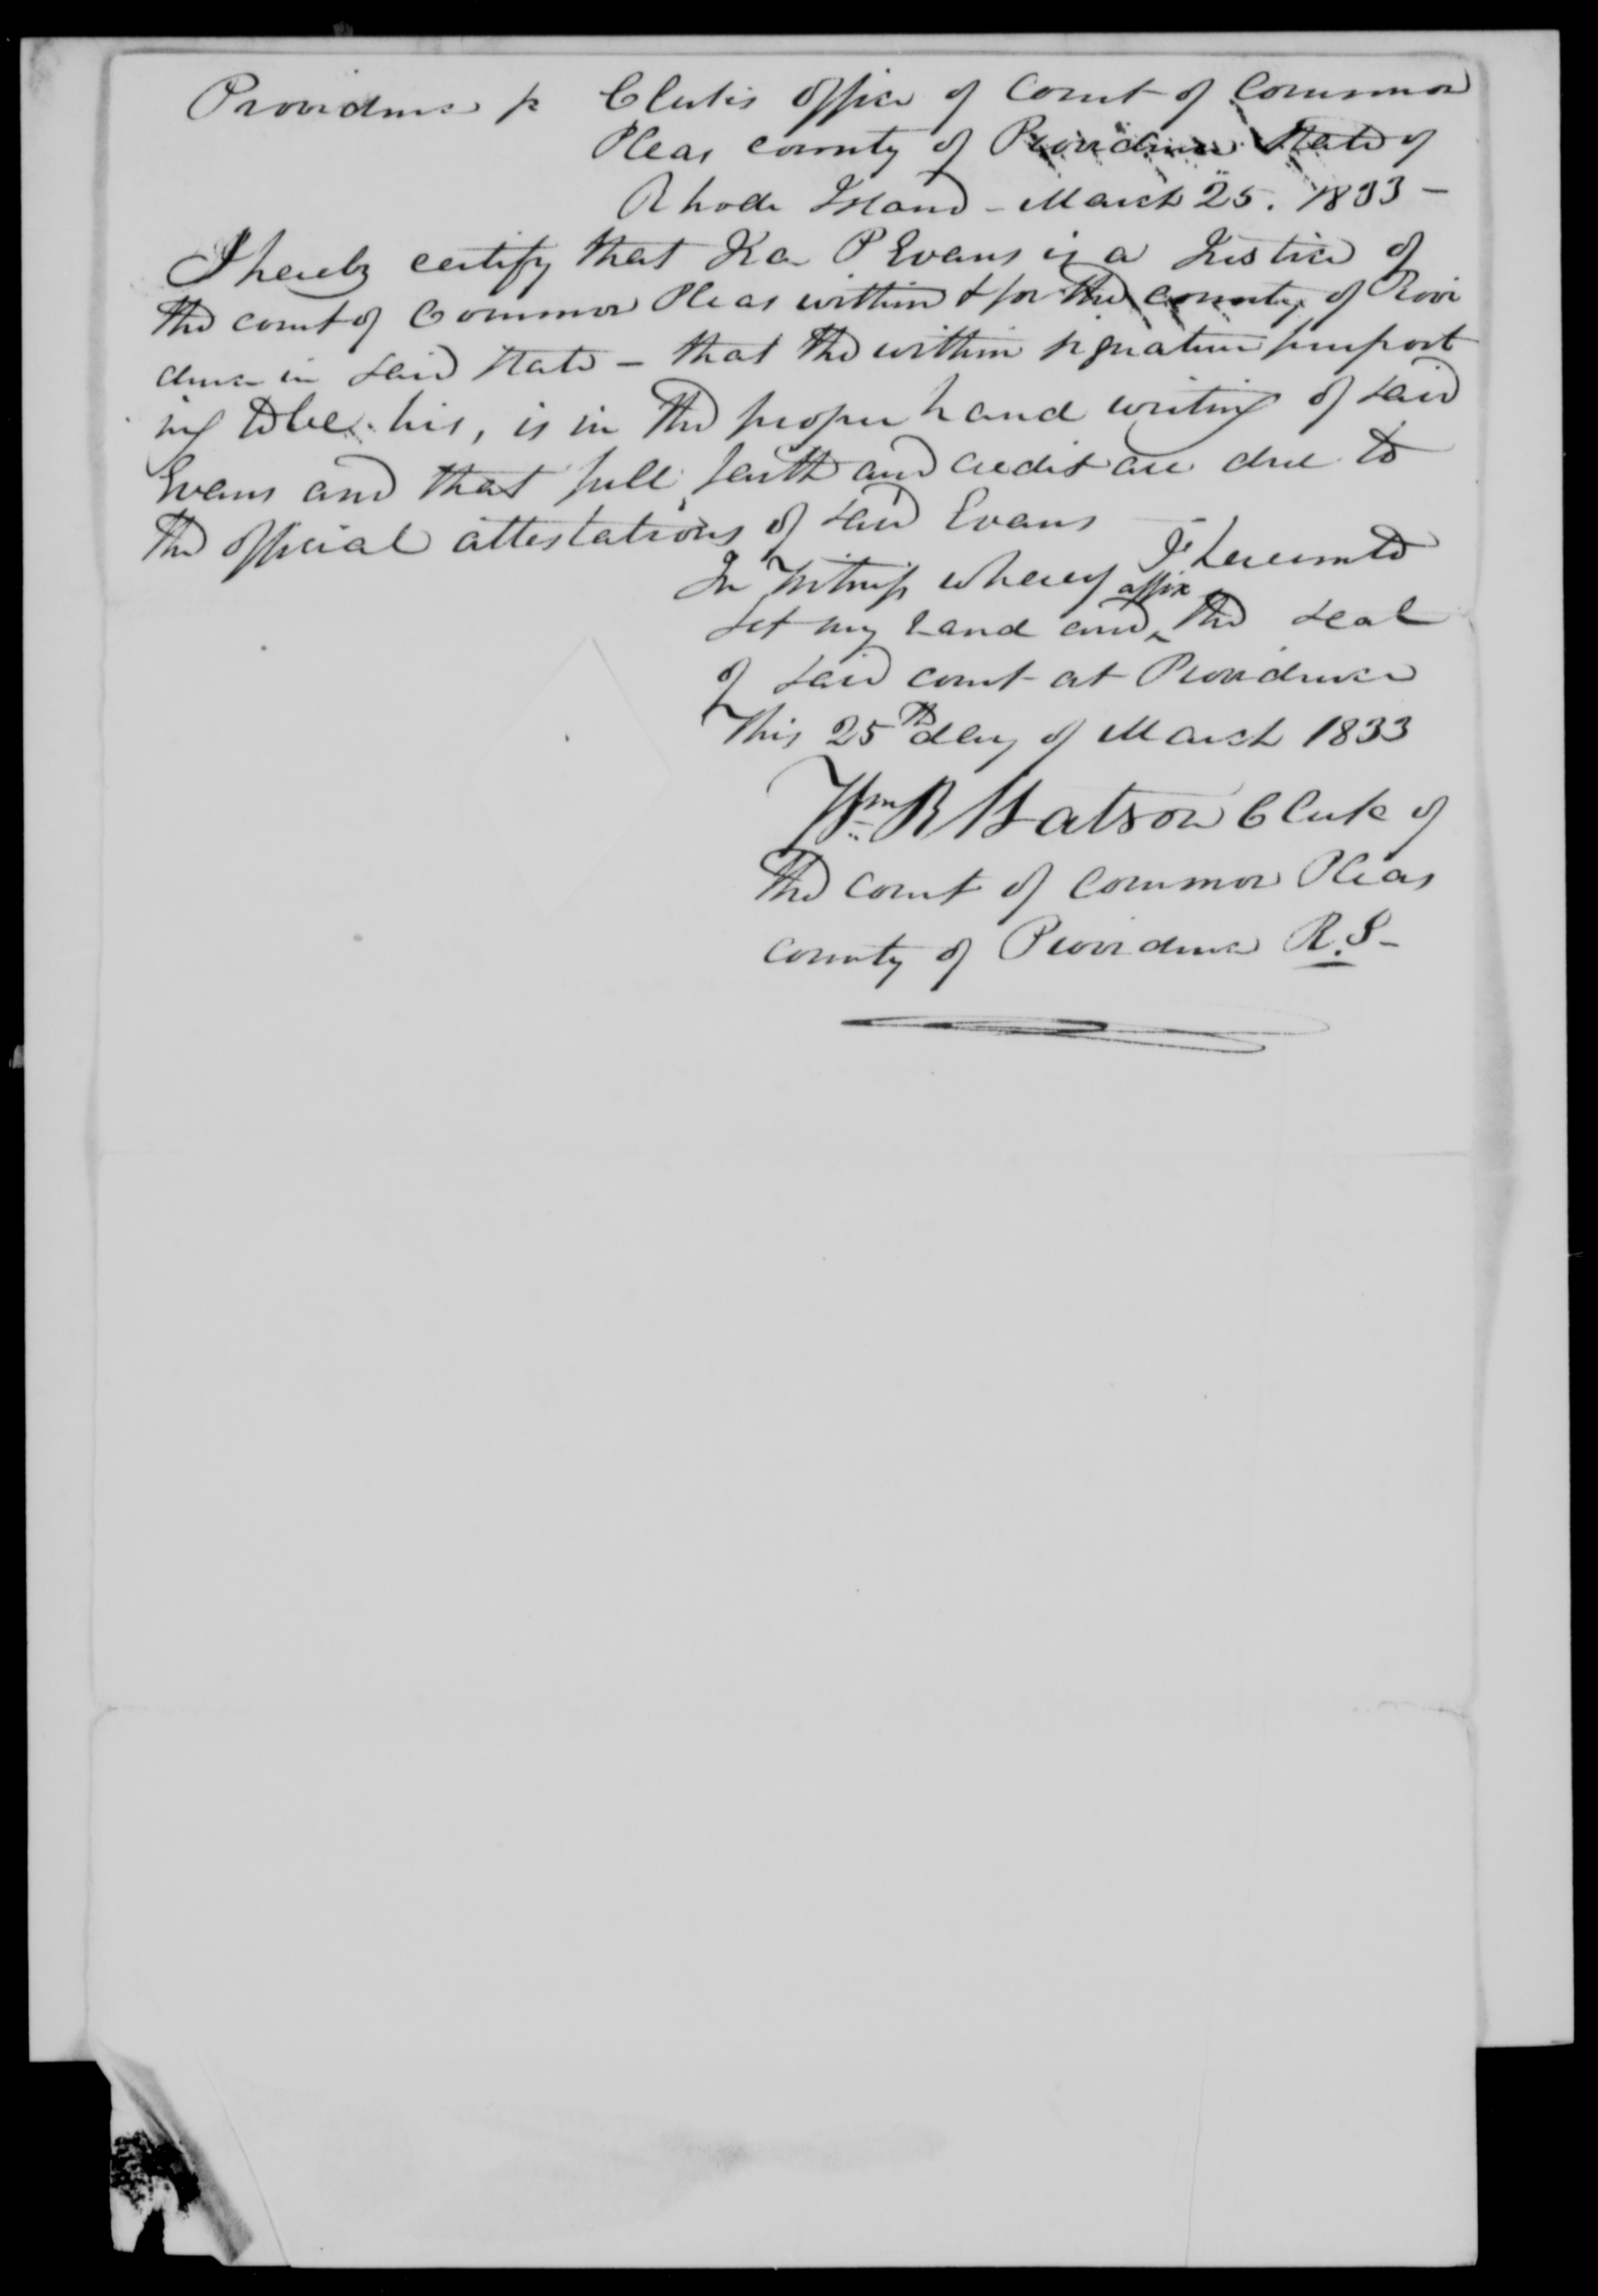Providence

Clerk's office of Court of Common
Pleas County of Providence State of
Rhode Island, March 25. 1833
I hereby certify that a Ira P. Evans is a Justice of
the Court of Common Pleas within & for the County of Providence in said State - that the written signature purporting to be his, is in the proper hand writing of said
Evans and that full faith and credit are due to
the official attestations of said Evans.

In Witness whereof I hereunto
set my hand and (caret mark) affirm the Seal
of said court at Providence
This 25th day of March 1833
Wm R Watson C Clerk of
the Court of Common Pleas
County of Providence R.I.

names: Ira P Evans, Wm R Watson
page: 5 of 23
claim: survivor's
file: S. 21576, Squire Williams, R. I.